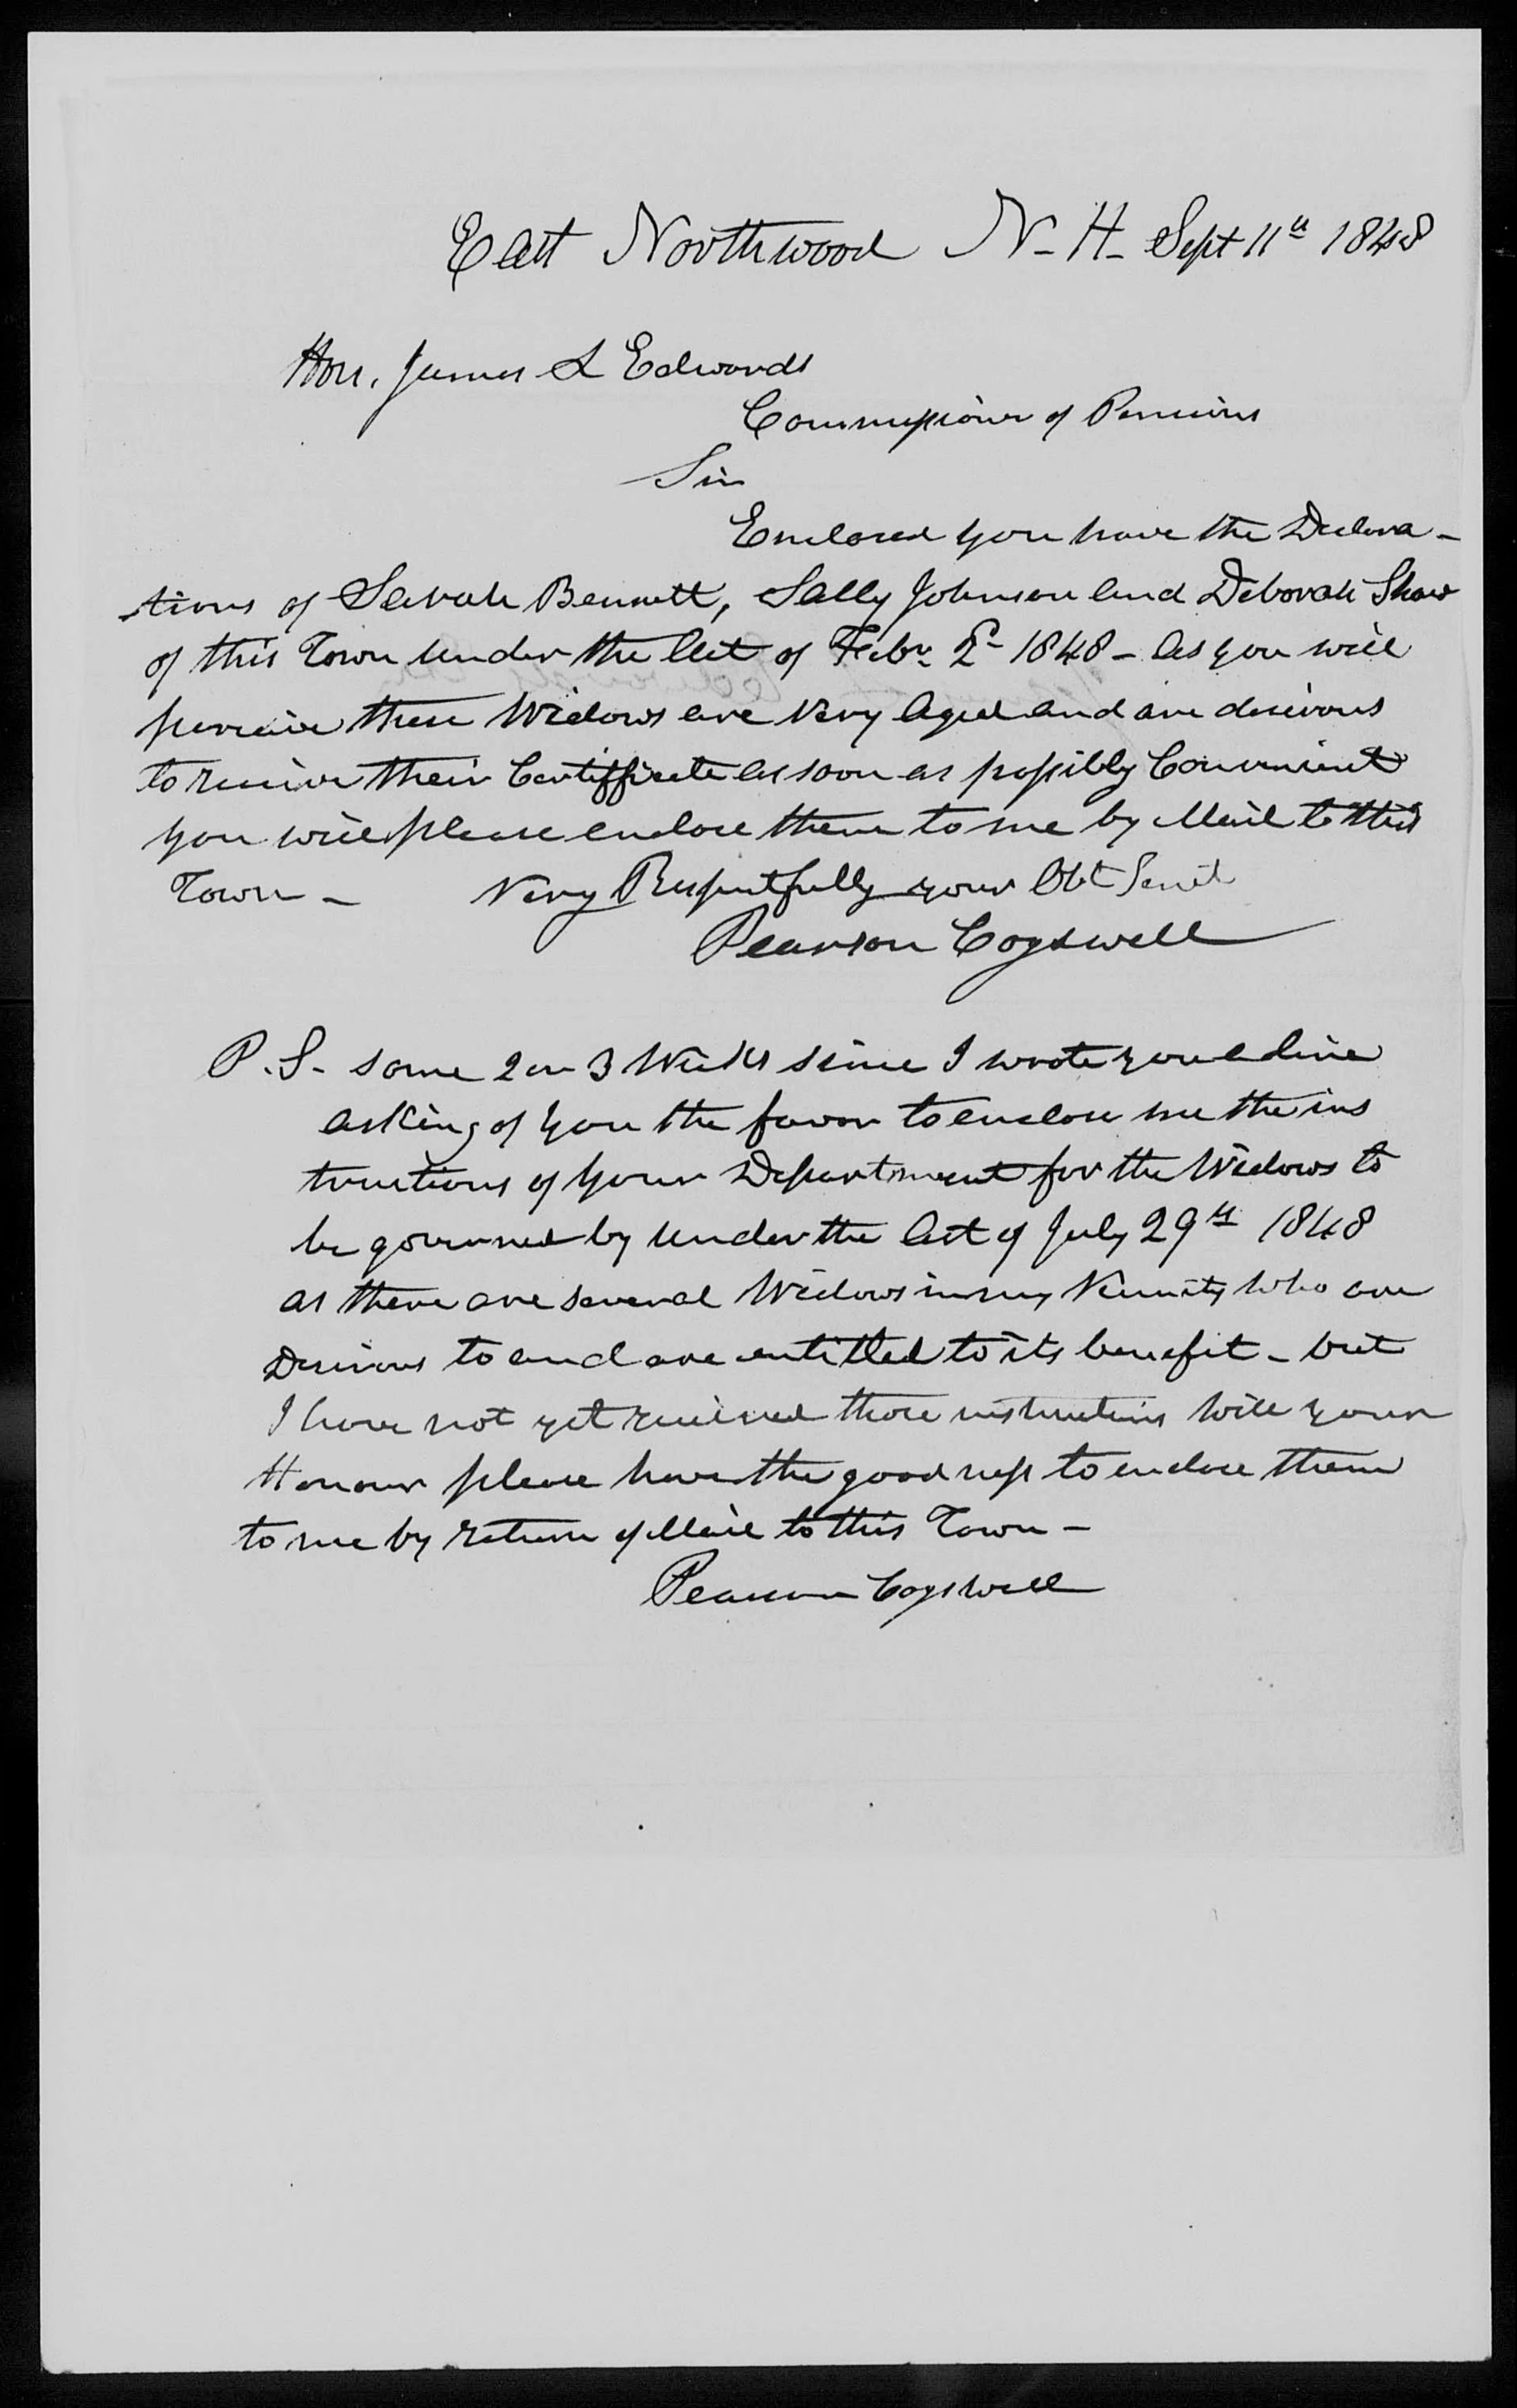East Northwood N.H. Sept 11th 1848
Hon. James L Edwards
Commissioner of Pensions
Sir
Enclosed you have the Declarations of Sarah Bennett, Sally Johnson and Deborah Shaw
of this town under the act of Febr 2d 1848 - as you will perceive these widows are very aged and are desirous to receive their certificates as soon as possibly convenient you will please enclose them to me by Mail to this Town -
Very Respectfully your Obt Sevt
Pearson Cogswell

P.S. Some 2 or 3 weeks Since I wrote your line
asking of you the favor to enclose me the instructions of your Department for the Widows to be governed by under the act of July 29th 1848 as there are several Widows in my Vicinity who are Desirous to and are entitled to its benefit - but I have not yet received those instructions will your Honour please have the goodness to enclose them to me by return of land to this Town -
Pearson Cogswell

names: James L Edwards, Pearson Cogswell, Sally Johnson, Deborah Shaw, Pearson Cogswell, Sarah Bennett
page: 43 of 43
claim: widow's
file: W. 21665, Ebenezer Bennett, N. H. Privateer.